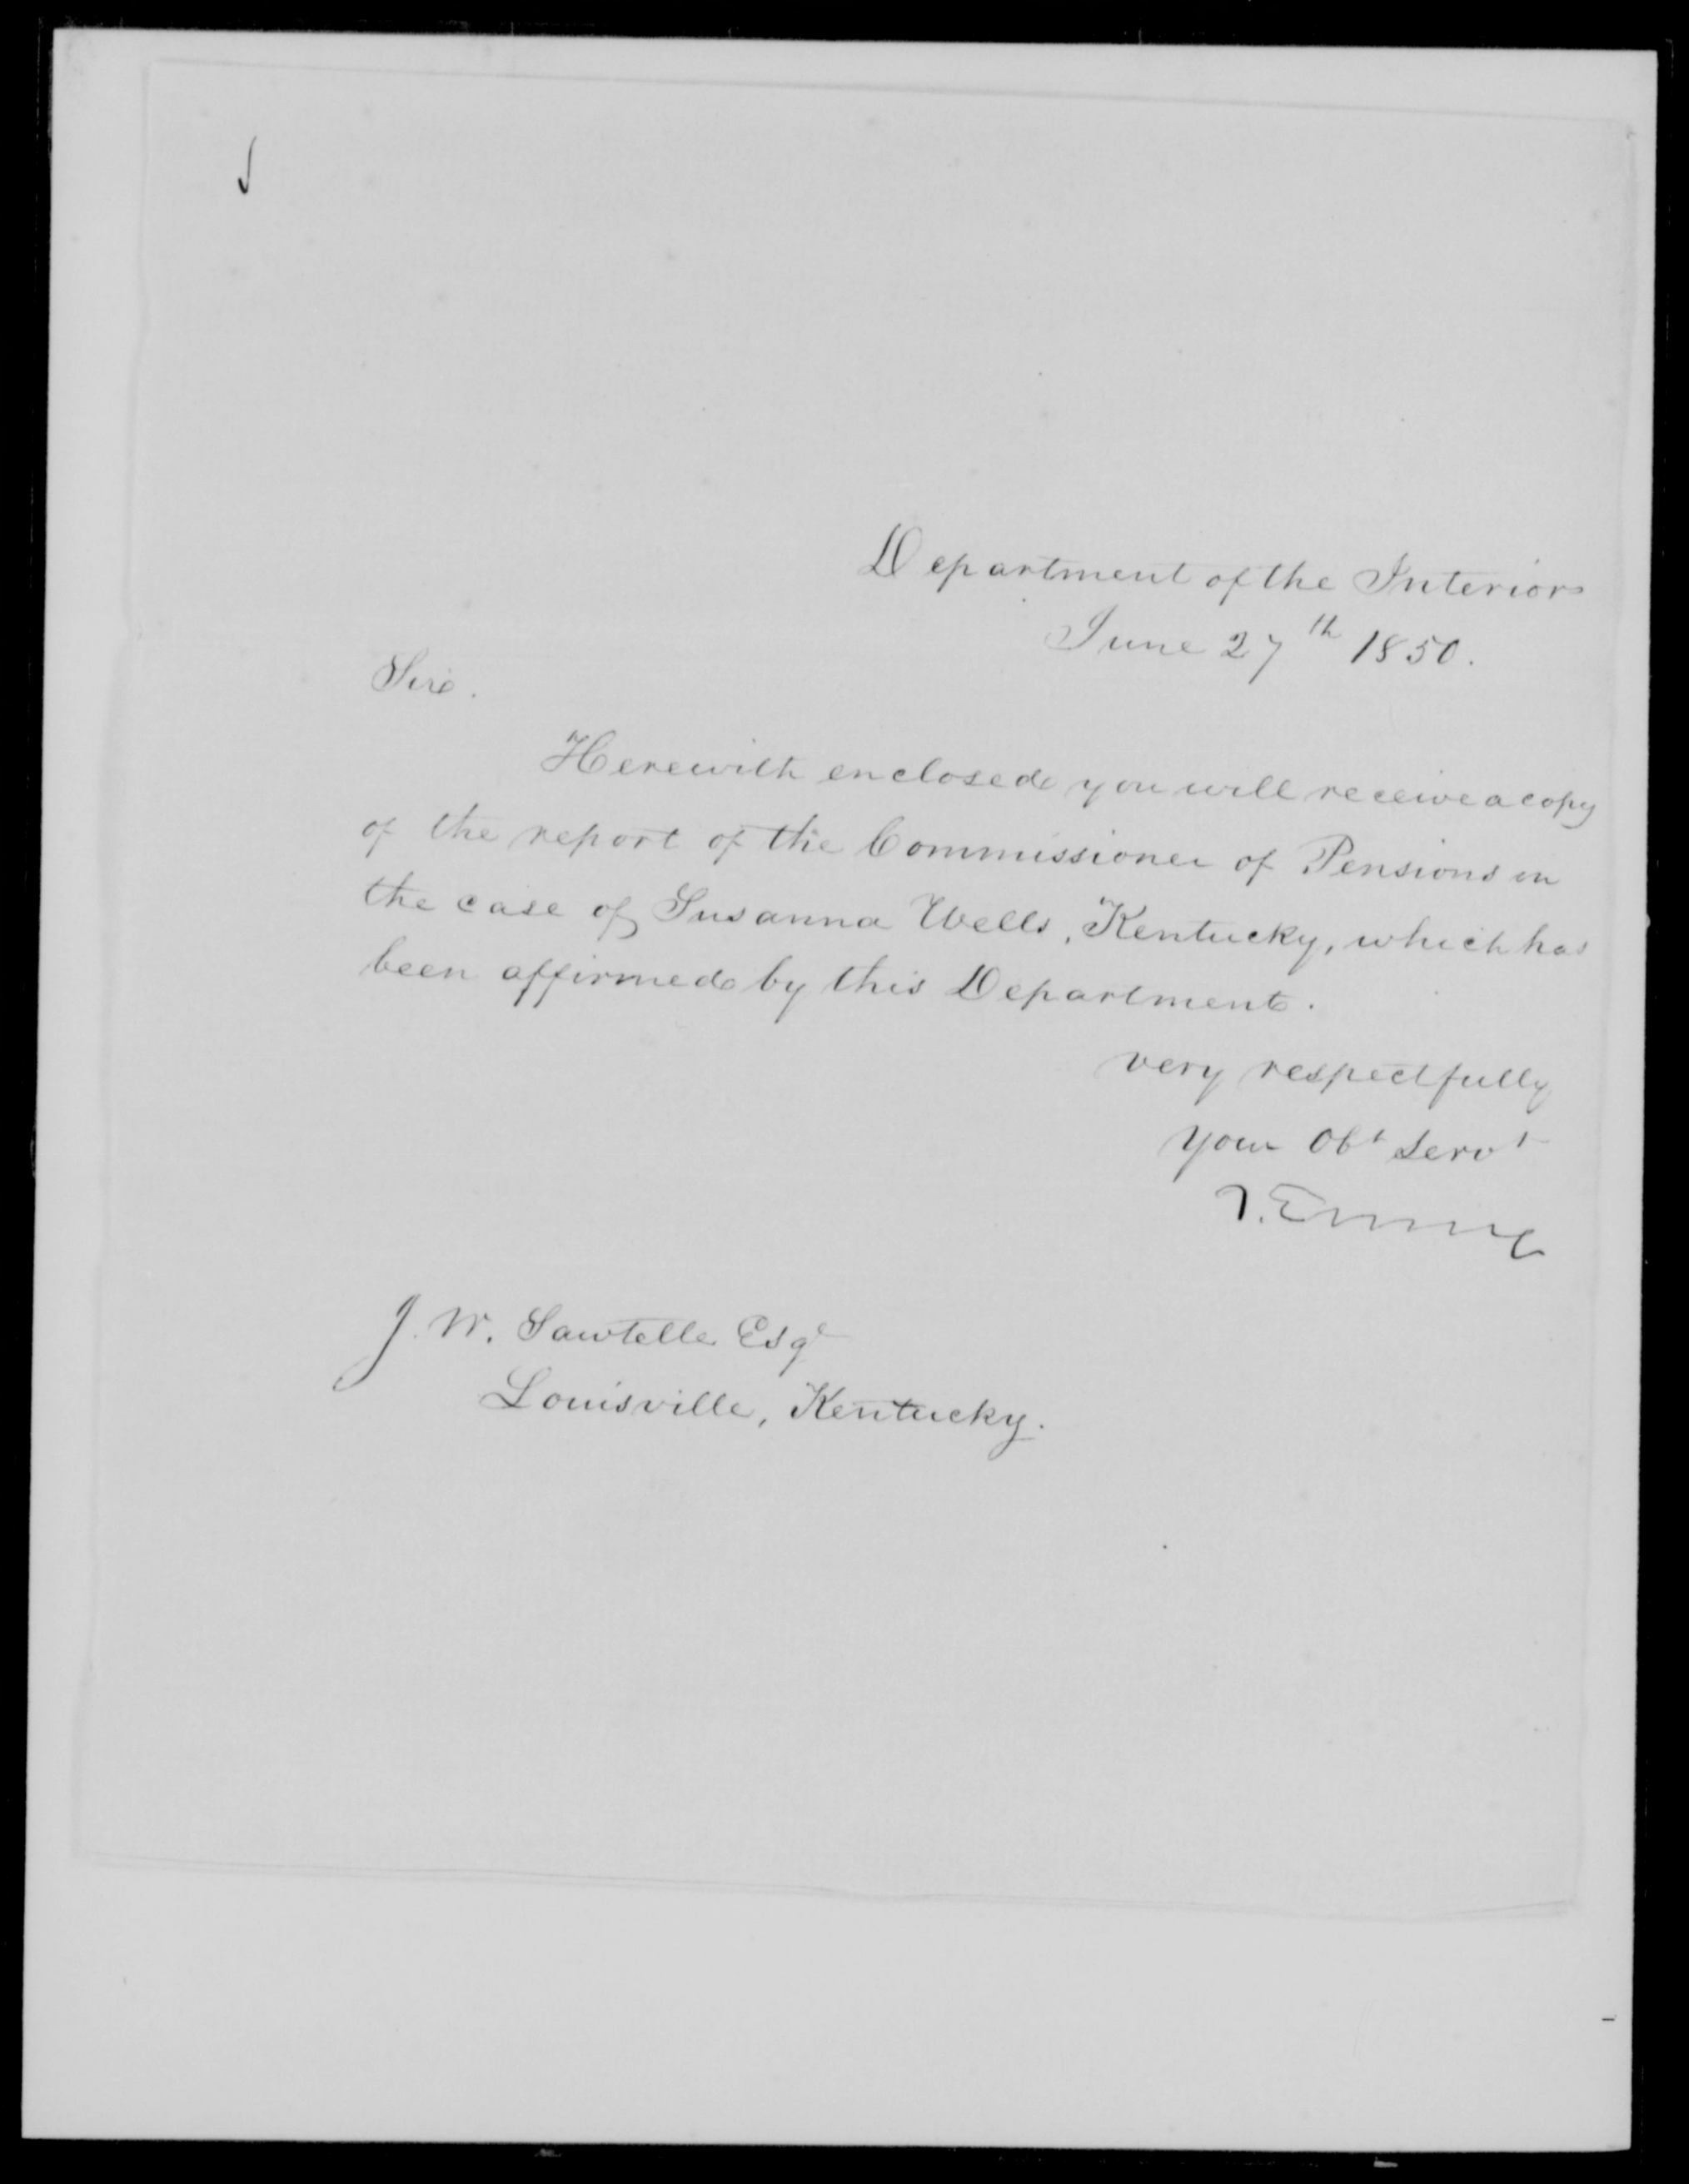Department of the Interior
June 27th 1850
Sir
Herewith enclosed you will receive a copy
of the report of the Commissioner of Pensions in
the case of Susanna Wells, Kentucky, which has
been affirmed by this Department.
very respectfully
Your Obt Servt
T. Ewing
J. W. Sawtelle Esqr
Louisville, Kentucky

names: Susanna Wells, J W Sawtelle, T Ewing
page: 70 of 100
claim: widow's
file: W. 6437, Richard Wells, Ga Va.